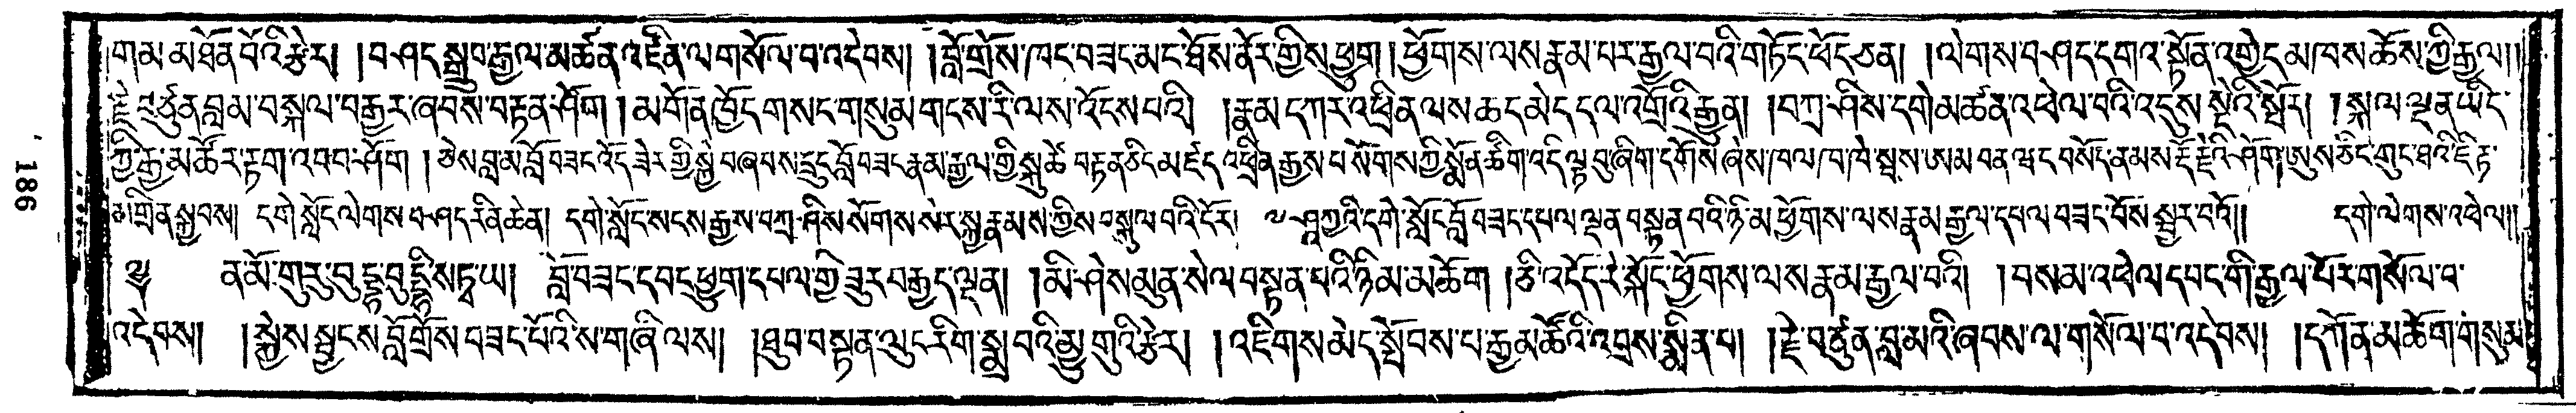གམ་མཐོན་པོའི་རྩེར། །བཤད་སྒྲུབ་རྒྱལ་མཚན་འཛིན་ལ་གསོལ་བ་འདེབས། །བློ་གྲོས་ཁང་བཟང་མང་ཐོས་ནོར་གྱིས་ཕྱུག །ཕྱོགས་ལས་རྣམ་པར་རྒྱལ་བའི་གཏོང་ཕོང་ཅན། །ལེགས་བཤད་དགའ་སྟོན་འགྱེད་མཁས་ཆོས་ཀྱི་རྒྱལ།།
རྗེ་བཙུན་བླ་མ་བསྐལ་བརྒྱར་ཞབས་བརྟན་ཤོག །མགོན་ཁྱོད་གསང་གསུམ་གངས་རི་ལས་འོངས་པའི། །རྣམ་དཀར་འཕྲིན་ལས་ཆད་མེད་དལ་འགྲོའི་རྒྱུན། །བཀྲ་ཤིས་དགེ་མཚན་འཕེལ་བའི་འདུས་སྡེའི་སྤོར། །སྐལ་ལྡན་ཡིད་
ཀྱི་རྒྱ་མཚོར་རྟག་འབབ་ཤོག །ཅེས་བླ་མ་བློ་བཟང་འོད་ཟེར་གྱི་སྐྱེ་བ་ཞབས་དྲུང་བློ་བཟང་རྣམ་རྒྱལ་གྱི་སྐུ་ཚེ་བརྟན་ཅིང་མཛད་འཕྲིན་རྒྱས་པ་སོགས་ཀྱི་སྨོན་ཚིག་འདི་ལྟ་བུ་ཞིག་དགོས་ཞེས་ཁལ་ཁ་ཁེ་སྦས་ཨམ་བན་ཝང་བསོད་ནམས་རྡོ་རྗེའི་ཤོག་ཨུ་ས་ཅིང་གུང་ཐའི་ཇི་རྟ་
མགྲིན་སྐྱབས། །དགེ་སློང་ལེགས་བཤད་རིན་ཆེན། དགེ་སློང་སངས་རྒྱས་བཀྲ་ཤིས་སོགས་སེར་སྐྱ་རྣམས་ཀྱིས་བསྐུལ་བའི་ངོར། ༧་ཤཱཀྱའི་དགེ་སློང་བློ་བཟང་དཔལ་ལྡན་བསྟན་པའི་ཉི་མ་ཕྱོགས་ལས་རྣམ་རྒྱལ་དཔལ་བཟང་པོས་སྦྱར་བའོ།། དགེ་ལེགས་འཕེལ།།
༈ ན་མོ་གུ་རུ་བུདྡྷ་བུདྡྷི་སྟྭ་ཡ། བློ་བཟང་དབང་ཕྱུག་དཔལ་གྱི་ཟུར་བརྒྱད་ལྡན། །མི་ཤེས་མུན་སེལ་བསྟན་པའི་ཉི་མ་མཆོག །ཅི་འདོད་རེ་སྐོང་ཕྱོགས་ལས་རྣམ་རྒྱལ་བའི། །བསམ་འཕེལ་དཔང་གི་རྒྱལ་པོར་གསོལ་བ་
འདེབས། །སྐྱེས་སྦྱངས་བློ་གྲོས་བཟང་པོའི་ས་གཞི་ལས། །ཐུབ་བསྟན་ལུང་རིག་སྨྲ་བའི་མྱུ་གུའི་རྩེར། །འཇིགས་མེད་སྤོབས་པ་རྒྱ་མཚོའི་འབྲས་སྨིན་པ། །རྗེ་བཙུན་བླ་མའི་ཞབས་ལ་གསོལ་བ་འདེབས། །དཀོན་མཆོག་གསུམ་